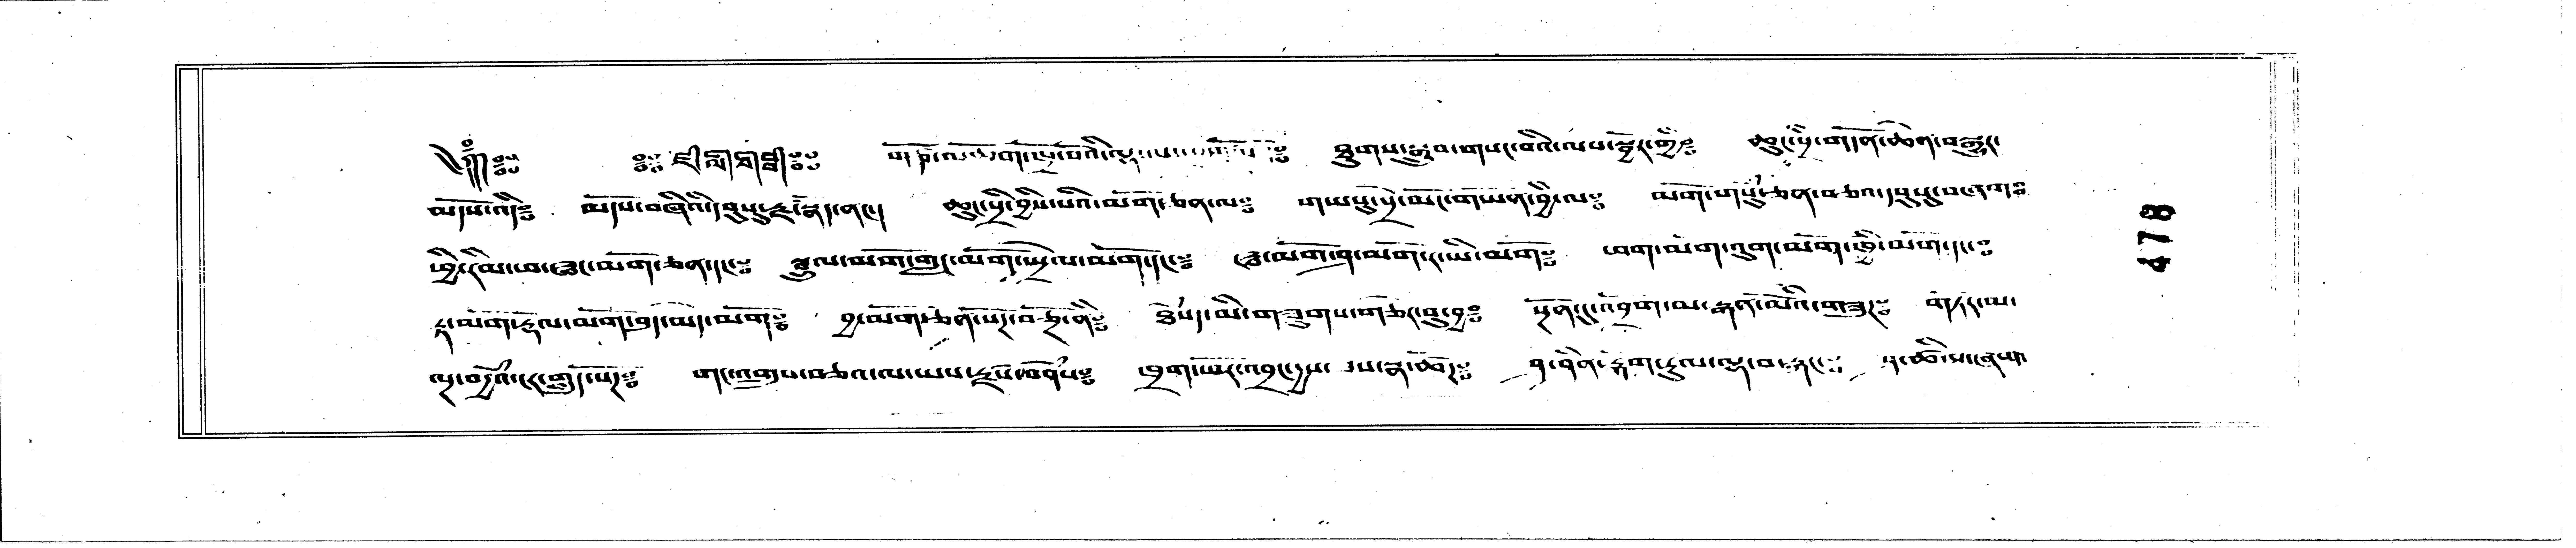༔༔༼གཏེར་ཡིག་ཡོད༽༔༔གཙོ་མཆོག་ཁྲོ་བོའི་ལྷ་ལ་ཕྱག་འཚལ་ལོ༔ཐུགས་སྒྲུབ་གསང་བའི་ལས་སྦྱོར་གྱི༔ཆུང་སྲི་གདོན་ཆེན་བསྒྱུར་
མདོས་འདི༔མདོས་བཞིའི་དབུས་སུ་རྫ་སྣོད་ནང་། ཆུང་སྲི་བྱིས་པའི་མགོ་ཅན་ལ༔ གཡས་སུ་སྲེ་མོང་གཡོན་བྱི་ལ༔མགོ་གསུམ་ཅན་བཅའ་དབུས་སུ་བཞག༔
ཕྱི་རིམ་ཕ་ཝང་མགོ་ཅན་དང༔སྦྲུལ་མགོ་གླང་མགོ་སྤྲེལ་མགོ་དང་༔ཝ་མགོ་ཤ་མགོ་ར་ཡི་མགོ༔ཕག་མགོ་འུག་མགོ་ཁྱི་མགོ་དང་༔
རྟ་མགོ་རྡོལ་མགོ་བུད་མེད་མགོ༔བྱ་མགོ་ཅན་སོགས་བཅོ་ལྔ་ནི༔ཐམས་ཅད་མི་གཟུགས་གཅེར་བུ་བྱ༔སྔོན་དུ་འབྲོག་མ་རྒན་མོའི་གཟུགས༔གཏོར་མ་
ལྔ་བརྒྱའམ་ངར་གླུད་སོགས༔གང་འགྲུབ་བཅའ་ལ་ཡས་རྫས་བཤམ༔ཁྲག་ཕོར་འབྲང་རྒྱས་ཟས་སྣ་ཚོགས༔ཤ་ཤིན་རྡོག་རུལ་ལྷ་བ་རྐང་༔ཤ་ཚིལ་ཞག་